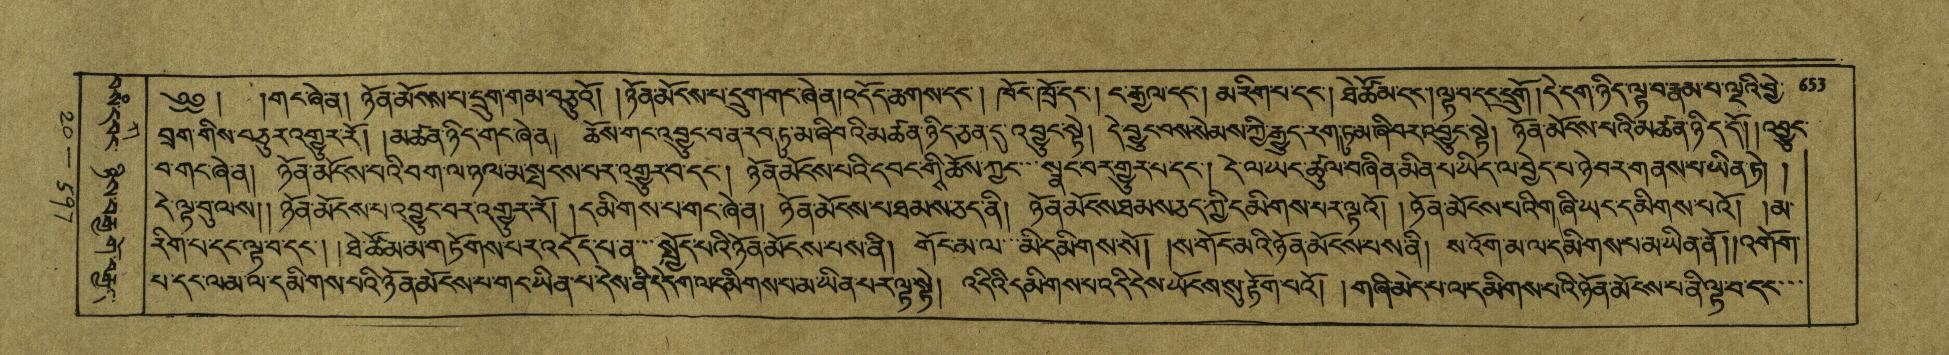༄༅། །གང་ཞེ་ན། ཉོན་མོངས་པ་དྲུག་གམ་བཅུའོ། །ཉོན་མོངས་པ་དྲུག་གང་ཞེ་ན། འདོད་ཆགས་དང་། ཁོང་ཁྲོ་དང་། ང་རྒྱལ་དང་། མ་རིག་པ་དང་། ཐེ་ཚོམ་དང་། ལྟ་བ་དང་དྲུགོ། །དེ་དག་ཉིད་ལྟ་བ་རྣམ་པ་ལྔའི་བྱེ་
བྲག་གིས་བཅུར་འགྱུར་རོ། །མཚན་ཉིད་གང་ཞེ་ན། ཆོས་གང་འབྱུང་བ་ན་རབ་ཏུ་མ་ཞི་བའི་མཚན་ཉིད་ཅན་དུ་འབྱུང་སྟེ། དེ་བྱུང་བས་སེམས་ཀྱི་རྒྱུད་རག་ཏུ་མ་ཞི་བར་འབྱུང་སྟེ། ཉོན་མོངས་པའི་མཚན་ཉིད་དོ། །འབྱུང་
བ་གང་ཞེ་ན། ཉོན་མོངས་པའི་བག་ལ་ཉལ་མ་སྤངས་པར་འགྱུར་བ་དང་། ཉོན་མོངས་པའི་དབང་གིས་ཆོས་ཀྱང་སྣང་བར་གྱུར་པ་དང་། དེ་ལ་ཡང་ཚུལ་བཞིན་མིན་པ་ཡིད་ལ་བྱེད་པ་ཉེ་བར་གནས་པ་ཡིན་ཏེ། །
དེ་ལྟ་བུ་ལས། །ཉོན་མོངས་པ་འབྱུང་བར་འགྱུར་རོ། །དམིགས་པ་གང་ཞེ་ན། ཉོན་མོངས་པ་ཐམས་ཅད་ནི། ཉོན་མོངས་ཐམས་ཅད་ཀྱི་དམིགས་པར་ལྟའོ། །ཉོན་མོངས་པའི་གཞི་ཡང་དམིགས་པའོ། །མ་
རིག་པ་དང་ལྟ་བ་དང་། །ཐེ་ཚོམ་མ་གཏོགས་པར་འདོད་པ་ན་སྤྱོད་པའི་ཉོན་མོངས་པས་ནི། གོང་མ་ལ་མི་དམིགས་སོ། །ས་གོང་མའི་ཉོན་མོངས་པས་ནི། །ས་འོག་མ་ལ་དམིགས་པ་མ་ཡིན་ནོ། །འགོག་
པ་དང་ལམ་ལ་དམིགས་པའི་ཉོན་མོངས་པ་གང་ཡིན་པ་དེས་ནི་དེ་དག་ལ་དམིགས་པ་མ་ཡིན་པར་ལྟ་སྟེ། འདིའི་དམིགས་པ་འདི་དེས་ཡོངས་སུ་རྟོག་པའོ། །གཞི་མེད་པ་ལ་དམིགས་པའི་ཉོན་མོངས་པ་ནི་ལྟ་བ་དང་